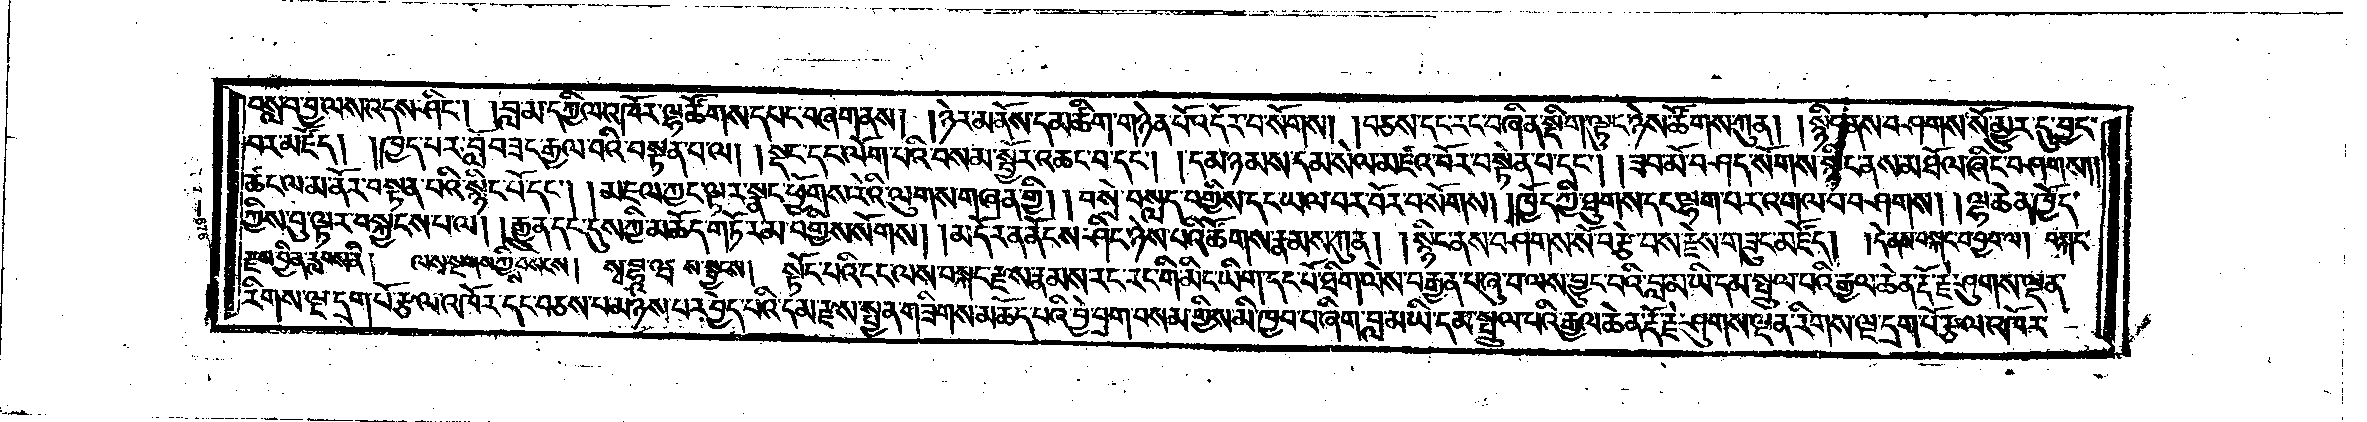བསླབ་བྱ་ལས་འདས་ཤིང་། །བླ་མ་དཀྱིལ་འཁོར་ལྷ་ཚོགས་དབང་བཞག་ནས། །ཉེར་མ་ནོས་དམ་ཚིག་གཉེན་པོ་འདོར་པ་སོགས། །བཅས་དང་རང་བཞིན་སྡིག་ལྟུང་ཉེས་ཚོགས་ཀུན། །སྙིང་ནས་བཤགས་སོ་མྱུར་དུ་བྱང་
བར་མཛོད། །ཁྱད་པར་བློ་བཟང་རྒྱལ་བའི་བསྟན་པ་ལ། །སྡང་དང་ལོག་པའི་བསམ་སྦྱོར་འཆང་བ་དང་། །དམ་ཉམས་དམ་སེལ་མཛའ་བོར་བསྟེན་པ་དང་། །ཟབ་མོ་བཤད་སོགས་སྙིང་ནས་མཐོལ་ཞིང་བཤགས། །
ཚང་ལ་མ་ནོར་བསྟན་པའི་སྙིང་པོ་དང་། །མཇལ་ཀྱང་ལྟར་སྣང་ཕྱོགས་རེའི་ལུགས་གཞན་གྱི། །བསྲེ་བསླད་བགྱིས་དང་ཡལ་བར་བོར་བ་སོགས། །ཁྱོད་ཀྱི་ཐུགས་དང་ལྷག་པར་འགལ་བ་བཤགས། །ལྷ་ཆེན་ཁྱོད་
ཀྱིས་བུ་ལྟར་བསྐྱངས་པ་ལ། །རྒྱུན་དང་དུས་ཀྱི་མཆོད་གཏོར་མ་བགྱིས་སོགས། །མདོར་ན་ནོངས་ཤིང་ཉེས་པའི་ཚོགས་རྣམས་ཀུན། །སྙིང་ནས་བཤགས་སོ་བརྩེ་བས་རྗེས་གཟུང་མཛོད། །དེ་ནས་བསྐང་བ་བྱ་བ་ལ། བསྐང་
རྫས་བྱིན་རླབས་ནི། ལས་སྔགས་ཀྱིས་བསངས། སྭ་བྷཱ་ཝ་ས་སྦྱངས། སྟོང་པའི་ངང་ལས་བསྐང་རྫས་རྣམས་རང་རང་གི་མིང་ཡིག་དང་པོ་ཐིག་ལེས་བརྒྱན་བཞུ་བ་ལས་བྱུང་བའི་བླ་མ་ཡི་དམ་སྤྲུལ་པའི་རྒྱལ་ཆེན་རྡོ་རྗེ་ཤུགས་ལྡན་
རིགས་ལྔ་དྲག་པོ་རྩལ་འཁོར་དང་བཅས་པ་མཉེས་པར་བྱེད་པའི་དམ་རྫས་སྤྱན་གཟིགས་མཆོད་པའི་བྱེ་བྲག་བསམ་གྱིས་མི་ཁྱབ་པ་ཞིག་བླ་མ་ཡི་དམ་སྤྲུལ་པའི་རྒྱལ་ཆེན་རྡོ་རྗེ་ཤུགས་ལྡན་རིགས་ལྔ་དྲག་པོ་རྩལ་འཁོར་